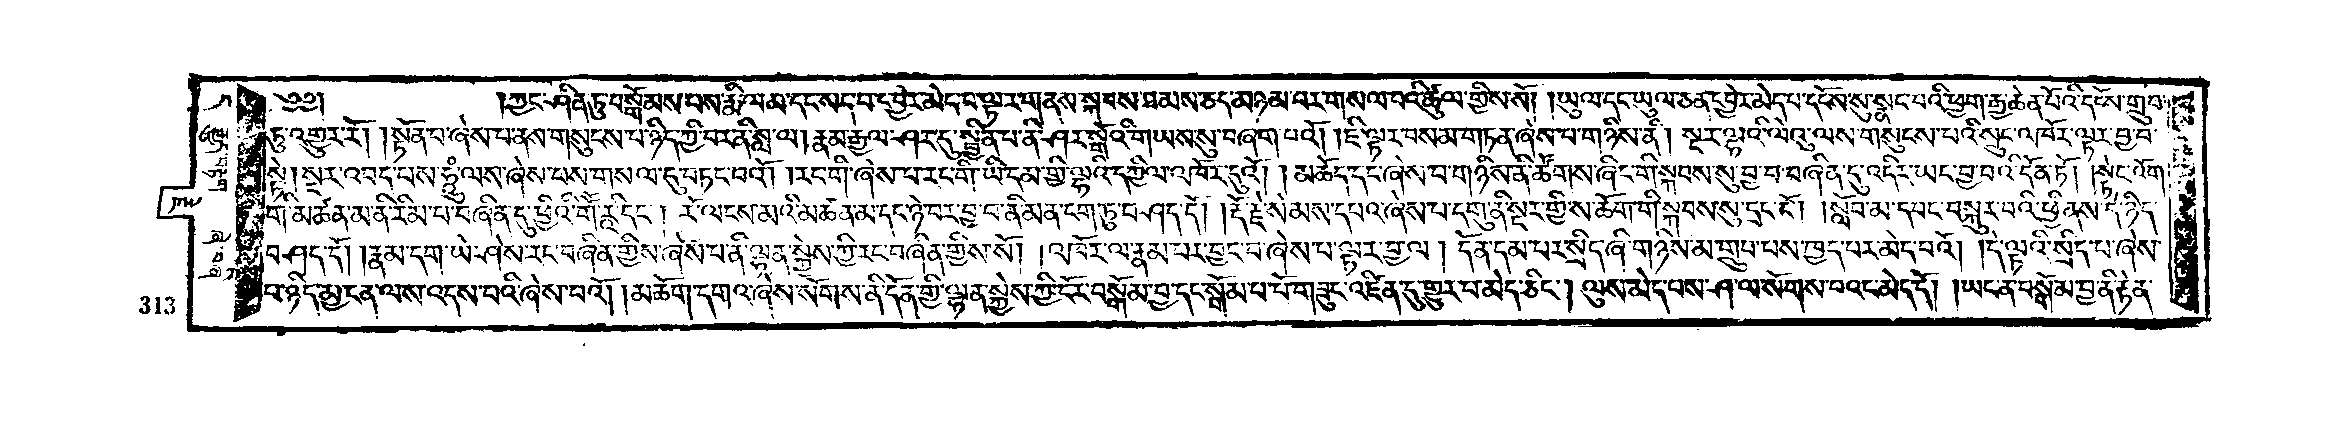༄༅། །ཀྱང་ཤིན་ཏུ་བསྒོམས་པས་རྨི་ལམ་དང་སད་པ་དབྱེར་མེད་པ་ལྟར་གནས་སྐབས་ཐམས་ཅད་མཉམ་པར་གསལ་བའི་ཚུལ་གྱིས་སོ། །ཡུལ་དང་ཡུལ་ཅན་དབྱེར་མེད་པ་དངོས་སུ་སྣང་བའི་ཕྱག་རྒྱ་ཆེན་པོའི་དངོས་གྲུབ་
ཏུ་འགྱུར་རོ། །སྟོན་པ་ཞེས་པ་ནས་གསུངས་པ་ཉིད་ཀྱི་བར་ནི་སླ་ལ། རྣམ་རྒྱལ་ཤར་དུ་སྦྱིན་པ་ནི་ཤར་སྒོའི་གཡས་སུ་བཞག་པའོ། །ཇི་ལྟར་བསམ་གཏན་ཞེས་པ་གཉིས་ནི། སྔར་ལྷའི་ལེའུ་ལས་གསུངས་པའི་སྲུང་འཁོར་ལྟར་བྱ་བ་
སྟེ། སྔར་འབད་པས་ཧཱུཾ་ལས་ཞེས་པས་གསལ་དུ་བཏང་བའོ། །རང་གི་ཞེས་པ་རང་གི་ཡི་དམ་གྱི་ལྷའི་དཀྱིལ་འཁོར་དུའོ། །མཆོད་དང་ཞེས་པ་གཉིས་ནི་ཚོགས་ཞིང་གི་སྐབས་སུ་བྱ་བ་བཞིན་དུ་འདིར་ཡང་བྱ་བའི་དོན་ཏོ། །སྟེང་འོག་
གི་མཚན་མ་ནི་རིམ་པ་བཞིན་དུ་ཕྱིའི་གཽ་རཱི་དང་། རོ་ལངས་མའི་མཚན་མ་དང་ཉེ་བར་བྱ་བ་ནི་མན་ངག་ཏུ་བཤད་དོ། །རྡོ་རྗེ་སེམས་དཔའ་ཞེས་པ་དགུ་ནི་སྔར་གྱི་ས་ཆོག་གི་སྐབས་སུ་དྲང་ངོ། །སློབ་མ་དབང་བསྐུར་བའི་ཕྱི་ནས་དེ་ཉིད་
བཤད་དོ། །རྣམ་དག་ཡི་ཤེས་རང་བཞིན་གྱིས་ཞེས་པ་ནི་ལྷན་སྐྱེས་ཀྱི་རང་བཞིན་གྱིས་སོ། །འཁོར་ལ་རྣམ་པར་བྱང་བ་ཞེས་པ་ལྟར་བྱ་ལ། དོན་དམ་པར་སྲིད་ཞི་གཉིས་མ་གྲུབ་པས་ཁྱད་པར་མེད་པའོ། །དེ་ལྟའི་སྲིད་པ་ཞེས་
པ་ཉིད་མྱ་ངན་ལས་འདས་པའི་ཞེས་པའོ། །མཆོག་དགའ་ཞེས་སོགས་ནི་དོན་གྱི་ལྷན་སྐྱེས་ཀྱི་ངོར་བསྒོམ་བྱ་དང་སྒོམ་པ་པོ་གཟུང་འཛིན་དུ་གྱུར་པ་མེད་ཅིང་། ལུས་མེད་པས་ཤ་ལ་སོགས་པའང་མེད་དོ། །ཡང་ན་བསྒོམ་བྱ་ནི་རྟེན་